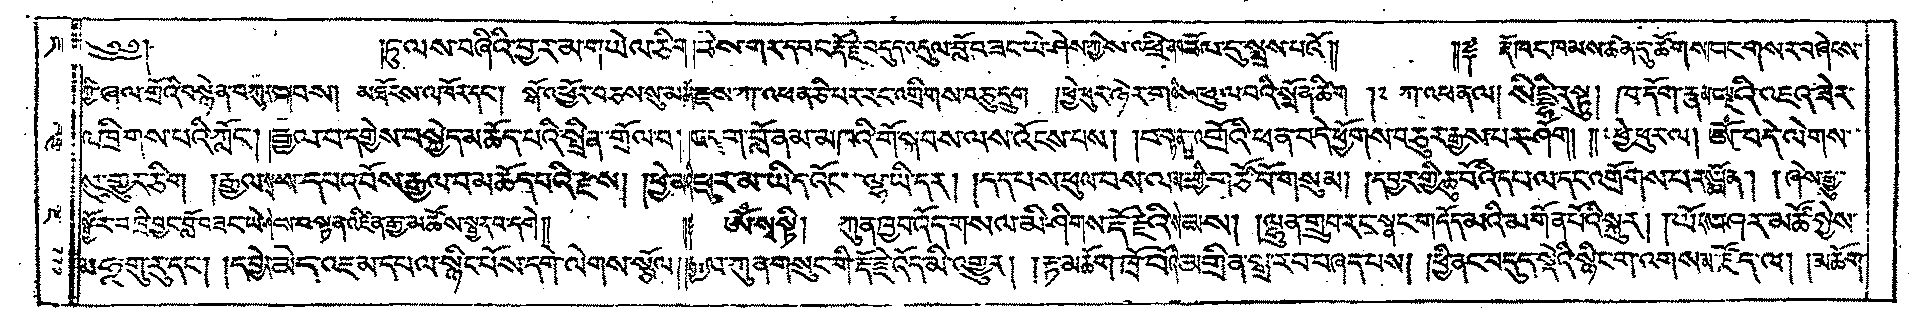༄༅། །ཏུ་ལས་བཞིའི་བྱ་ར་མ་གཡེལ་ཅིག །ཅེས་གར་དབང་རྡོ་རྗེ་བདུད་འདུལ་བློ་བཟང་ཡེ་ཤེས་ཀྱིས་འཕྲིན་བཅོལ་དུ་སྨྲས་པའོ།། །།༈ རྡོ་ཁང་ཁམས་ཚན་དུ་ཚོགས་ཁང་གསར་བཞེངས་
ཀྱི་ཞལ་གྲོའི་བསྙེན་བཀུར་སྐབས། མཐོངས་འཁོར་དང་། སྒོ་འཕྱོར་བཅས་སུ་མཆོད་རྫས་ཀ་འཕན་ཅི་པར་རང་འགྲིགས་བཅུ་དྲུག །ཕྱེ་ཕུར་ཉེར་གཉིས་ཕུལ་བའི་སྨོན་ཚིག །༧་ཀ་འཕན་ལ། སིདྡྷི་ར་སྟུ། ཁ་དོག་རྣམ་ལྔའི་འཇའ་ཟེར་
འཁྲིགས་པའི་ཀློང་། །རྒྱལ་བ་དགྱེས་བསྐྱེད་མཆོད་པའི་སྤྲིན་གྲོལ་བ། །བདག་བློ་ནམ་མཁའི་གོ་སྐབས་ལས་འོངས་པས། །བསྟན་འགྲོའི་ཕན་བདེ་ཕྱོགས་བཅུར་རྒྱས་པར་ཤོག ། །། ༧ཕྱེ་ཕུར་ལ།  ཨོཾ་བདེ་ལེགས་
སུ་གྱུར་ཅིག །རྒྱལ་སྲས་དཔའ་བོས་རྒྱལ་བ་མཆོད་པའི་རྫས། །ཕྱེ་མའི་ཕུར་མ་ཡིད་འོང་ལྷ་ཡི་དར། །དད་པས་ཕུལ་བས་ལམ་གྱི་གཙོ་བོ་གསུམ། །དབྱར་གྱི་ཆུ་བོའི་དཔལ་དང་འགྲོགས་པར་སྨོན། །ཞེས་རྒྱུ་
སྦྱོར་བ་ཁྲི་བྱང་བློ་བཟང་ཡེ་ཤེས་བསྟན་འཛིན་རྒྱ་མཚོས་སྦྱར་བ་དགེ།། །།༈ ཨོཾ་སྭ་སྟི། ཀུན་ཁྱབ་འོད་གསལ་མི་ཤིགས་རྡོ་རྗེའི་སེམས། །ལྷུན་གྲུབ་རང་སྣང་གདོད་མའི་མགོན་པོའི་སྐུར། །ཡོངས་ཤར་མཚོ་སྐྱེས་
མཧཱ་གུ་རུ་དང་། །དབྱེར་མེད་འཇམ་དཔལ་སྙིང་པོས་དགེ་ལེགས་སྩོལ། །རྒྱལ་ཀུན་གསུང་གི་རྡོ་རྗེ་འོད་མི་འགྱུར། །རྟ་མཆོག་ཁྲོ་བོའི་མགྲིན་སྒྲ་རབ་བཞད་པས། །ཕྱི་ནང་བདུད་སྡེའི་སྙིང་ག་འགས་མཛོད་ལ། །མཆོག་